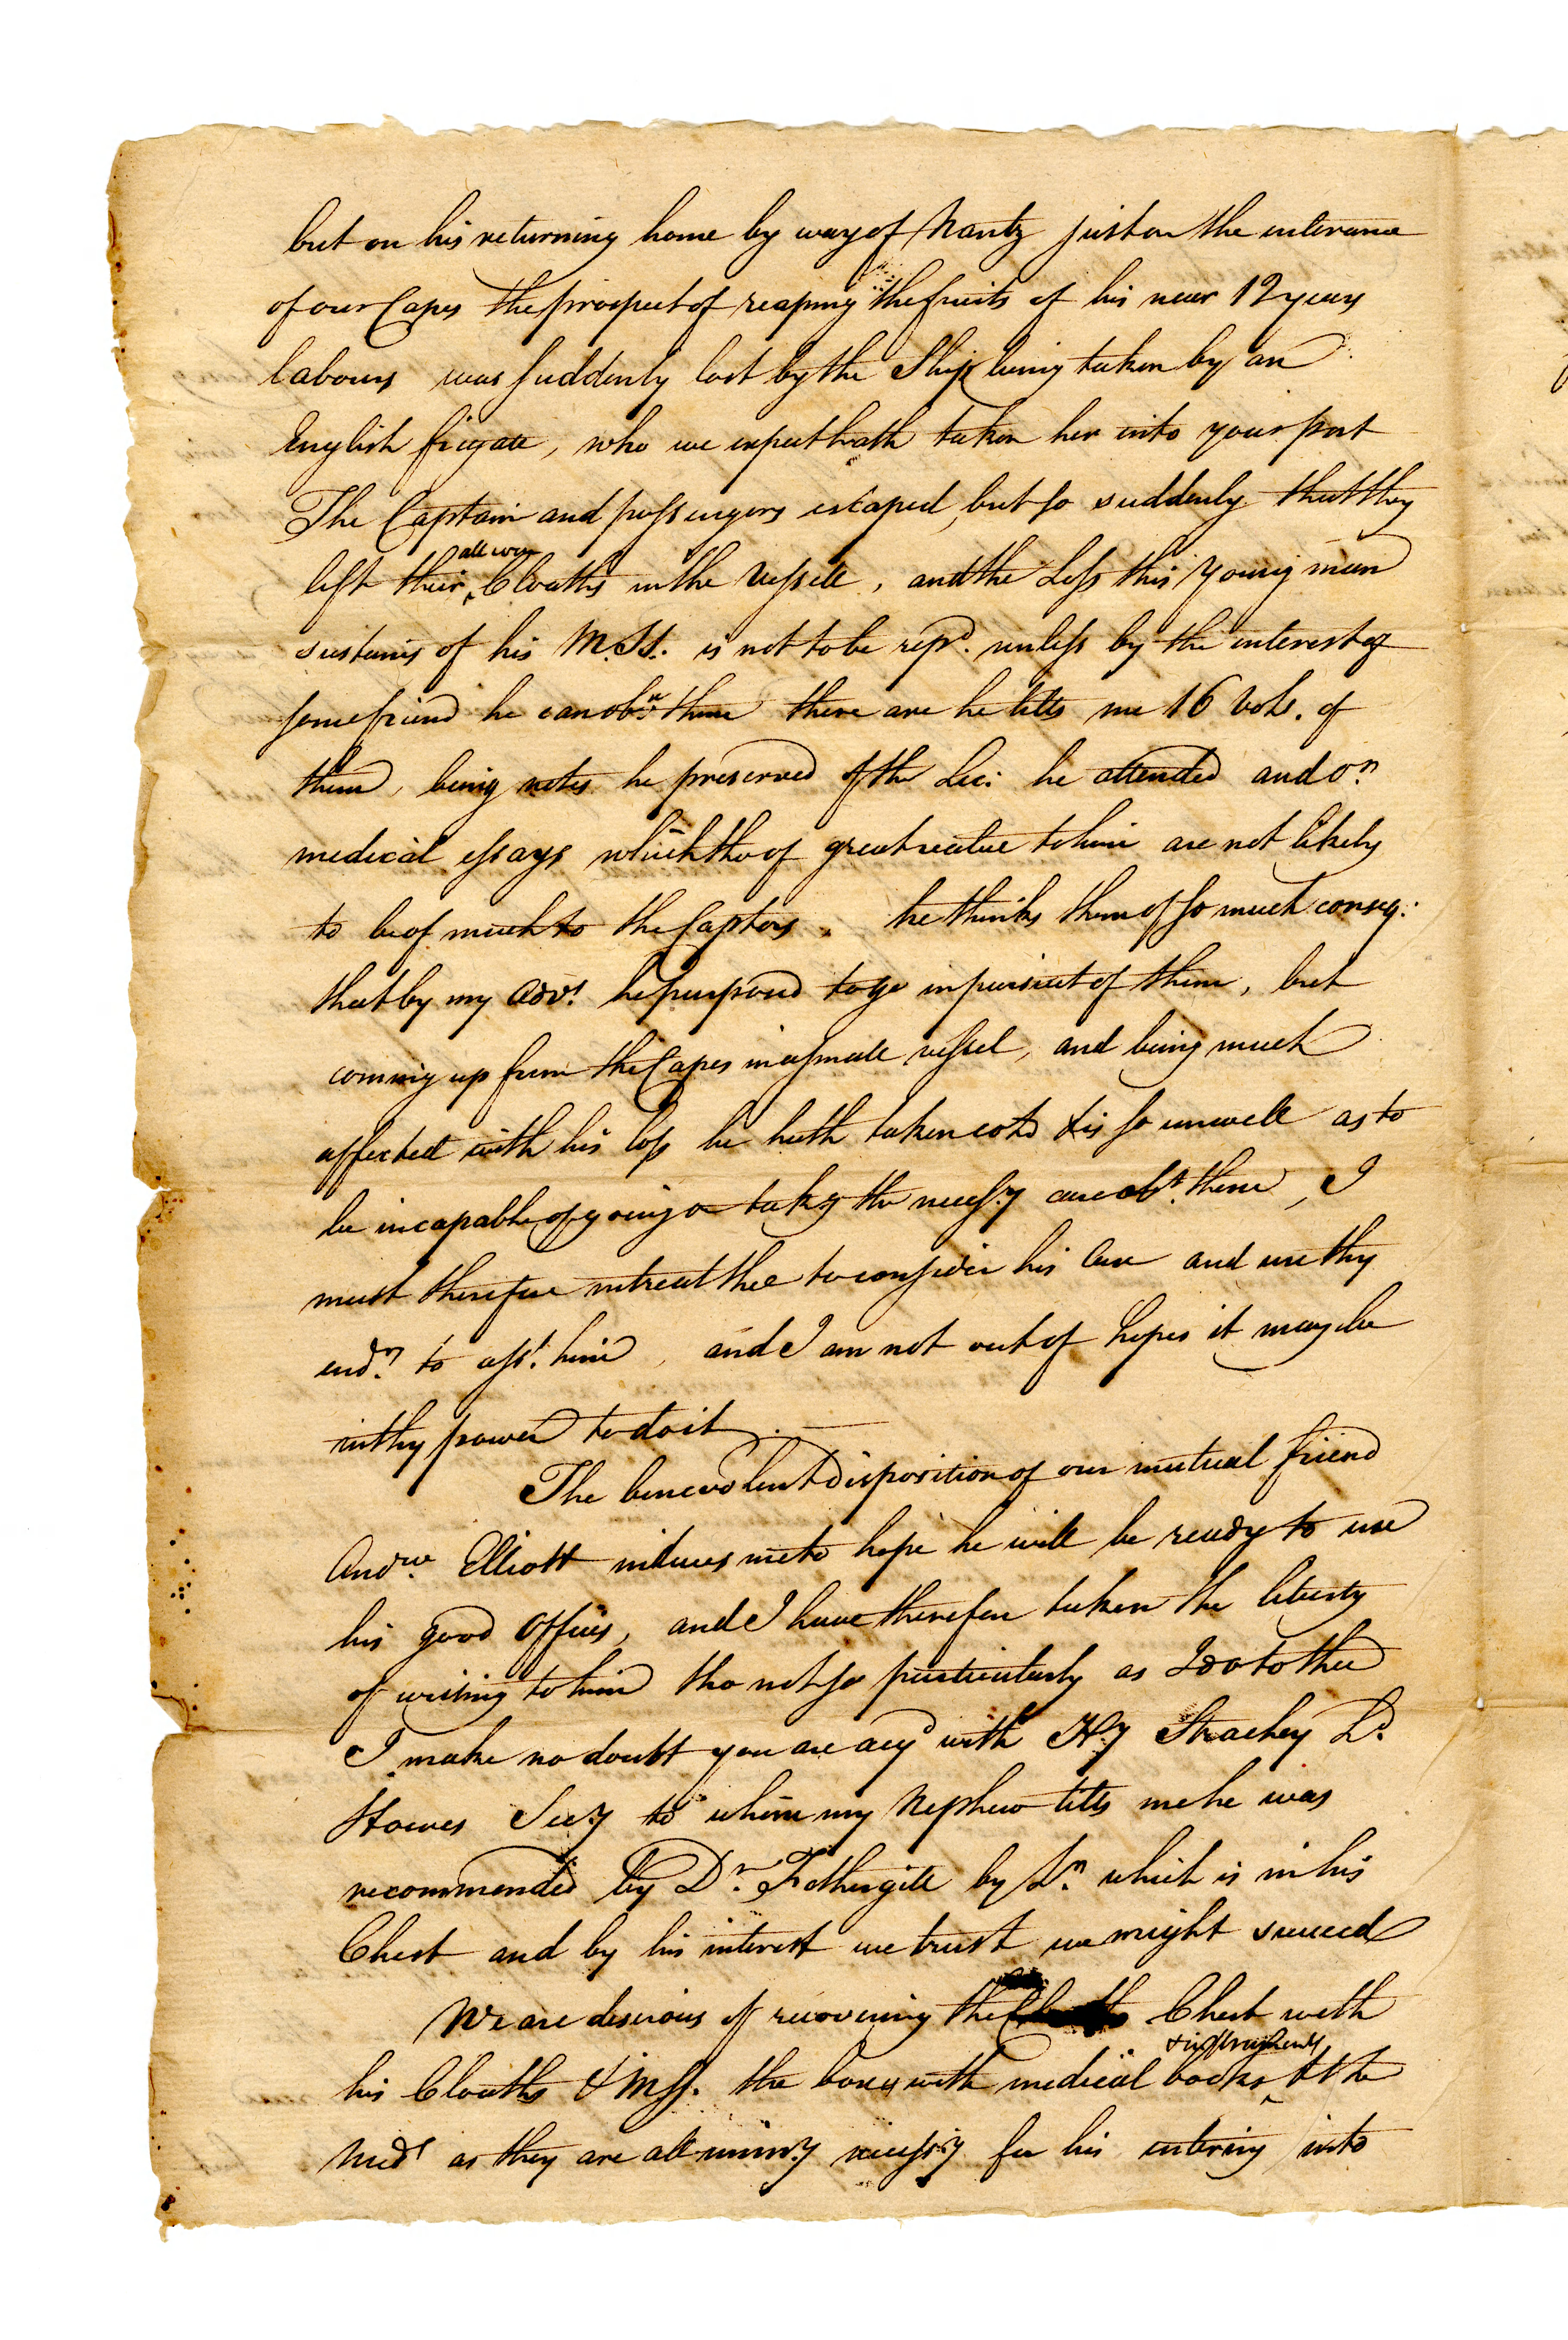but on his returning home by way of Nantz, just as the entrance
of our Capes the prospect of reaping the fruits of his near 12 years
labours was suddenly lost by the Ships being taken by an
English frigate, who we expect hath taken her into your port
The Captain and passengers escaped, but so suddenly that they
all ure
left their ^ Cloaths in the Vessell, and the Loss this young man
sustains of his M.S.S. is not to be rep^d. unless by the interest of
some friend he can ob^t. those there are he tells me 16 vols. of
them, being notes he preserved of the Lec: he attended and o^r.
medical essays which tho of great value to him are not likely
to be of much to the Captors. he thinks them of so much conseq.
that by my Adv^t. he purposed to go in pursuit of them, but
coming up from the Capes in a small vessel, and being much
affected with his loss he hath taken cold & is so unwell as to
be incapable of going or tak^g. the neces^y. care ab^t. them, I
must therefore intreat thee to consider his Case and use thy
end^r. to ass^t. him, and I am not out of hopes it may be
in thy power to do it.-
The benevolent disposition of our mutual friend
And^w. Elliott induces me to hope he will be ready to use
his good Offices, and I have therefore taken the liberty
of writing to him tho not so particularly as I do to thee
I make no doubt you are ocy^d with H^y Strachey L^d.
Howes Sec^y. to whom my Nephew tells me he was
recommended by D^r. Fothergill by L^n. which is in his
Chest and by his interest we trust we might succeed
We are desirous of recovering the [Cloaths] Chest with
& instruments
his Cloathes & M.S.S. the boxes with medical books ^ & the
Med^s as they are all ninn^y. necess^y. for his entering into